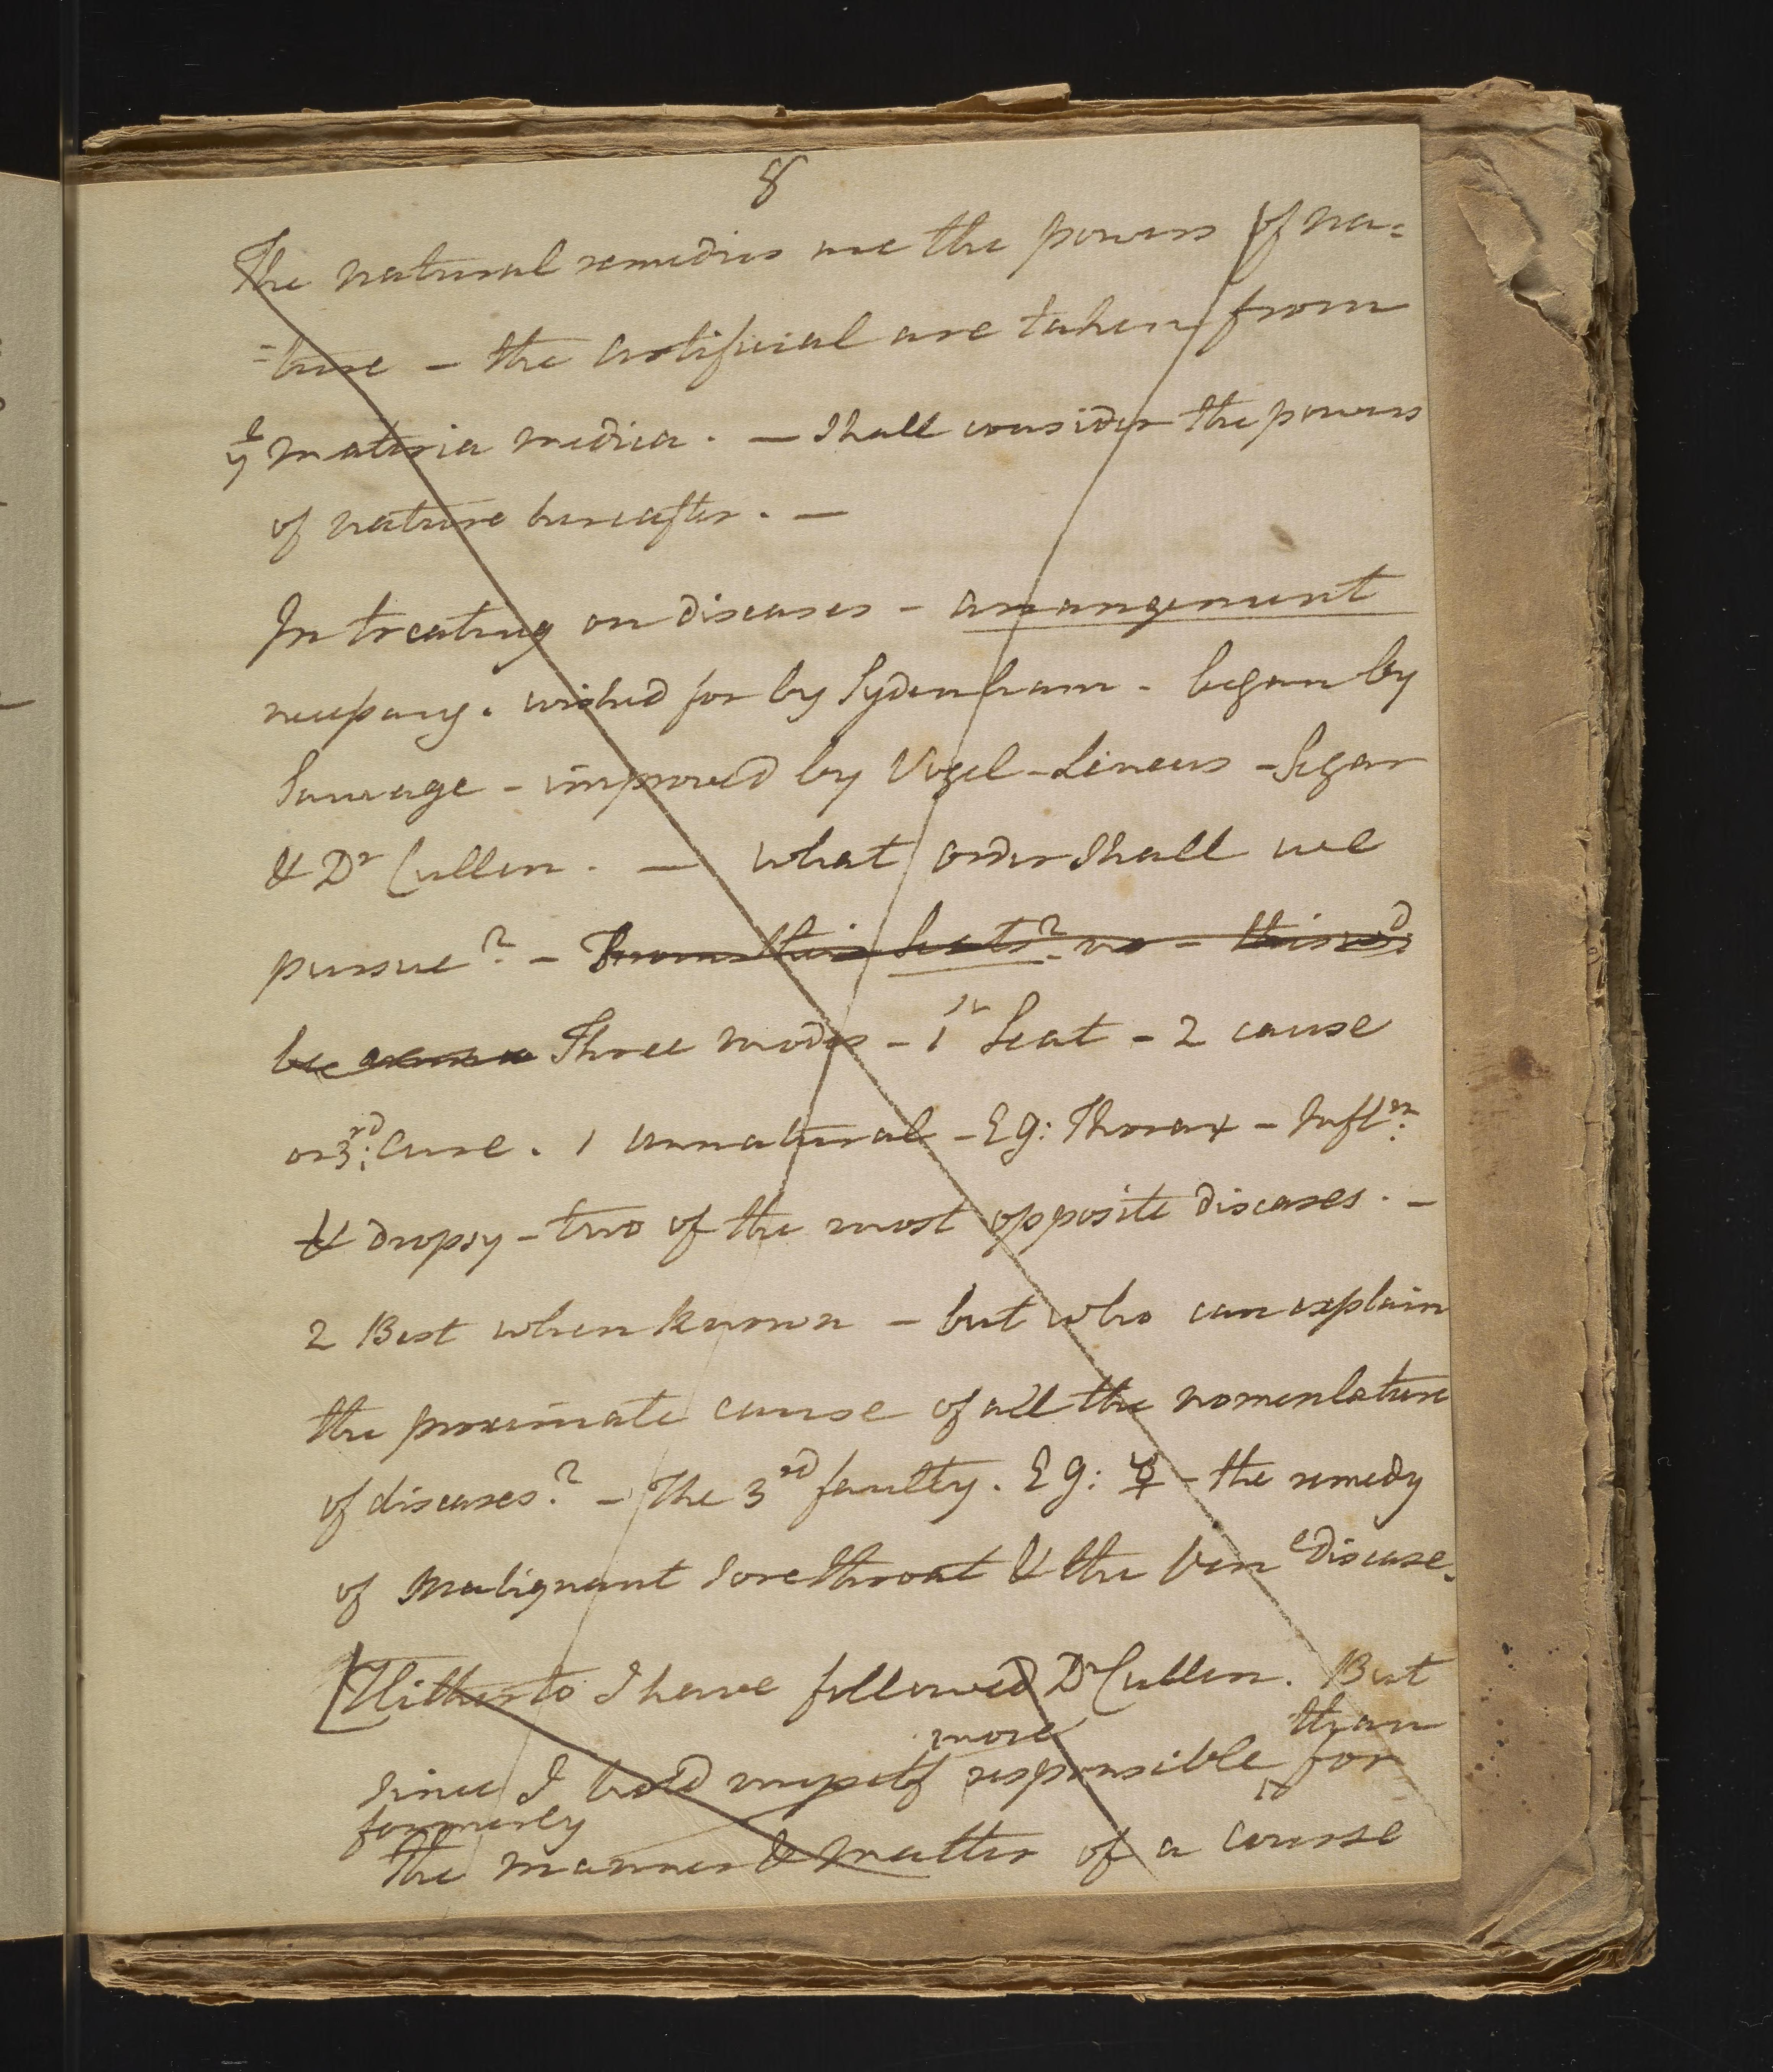8
The natural remedies are the power of na-
-ture- the artificial are taken from
y^e materia medica.- Shall consider the powers
of nature hereafter.-
In treating on diseases- arrangement
necessary. wished for by Sydenham. began by
Sauvage- improved by Vogel- Lineus- Suzarr
& D^r Cullen.- What order shall we
pursue?- [__________________________]
[_______] Three modes- 1^st Seat- 2 cause
or 3^rd: cure. 1 unnatural- Eg: Thorax- Infl^r:
& dropsy- two of the most opposite diseases.-
2 Best when known- but who can explain
the proximate cause of all the nomenclature
of diseases?- The 3^rd faculty. E.g: ☿- the remedy
of malignant sore throat & the ven^e disease
(Hitherto I have followed D^r Cullen. But
more
than
since I hold myself ^ responsible ^ for
formerly
The manner & matter of a cause